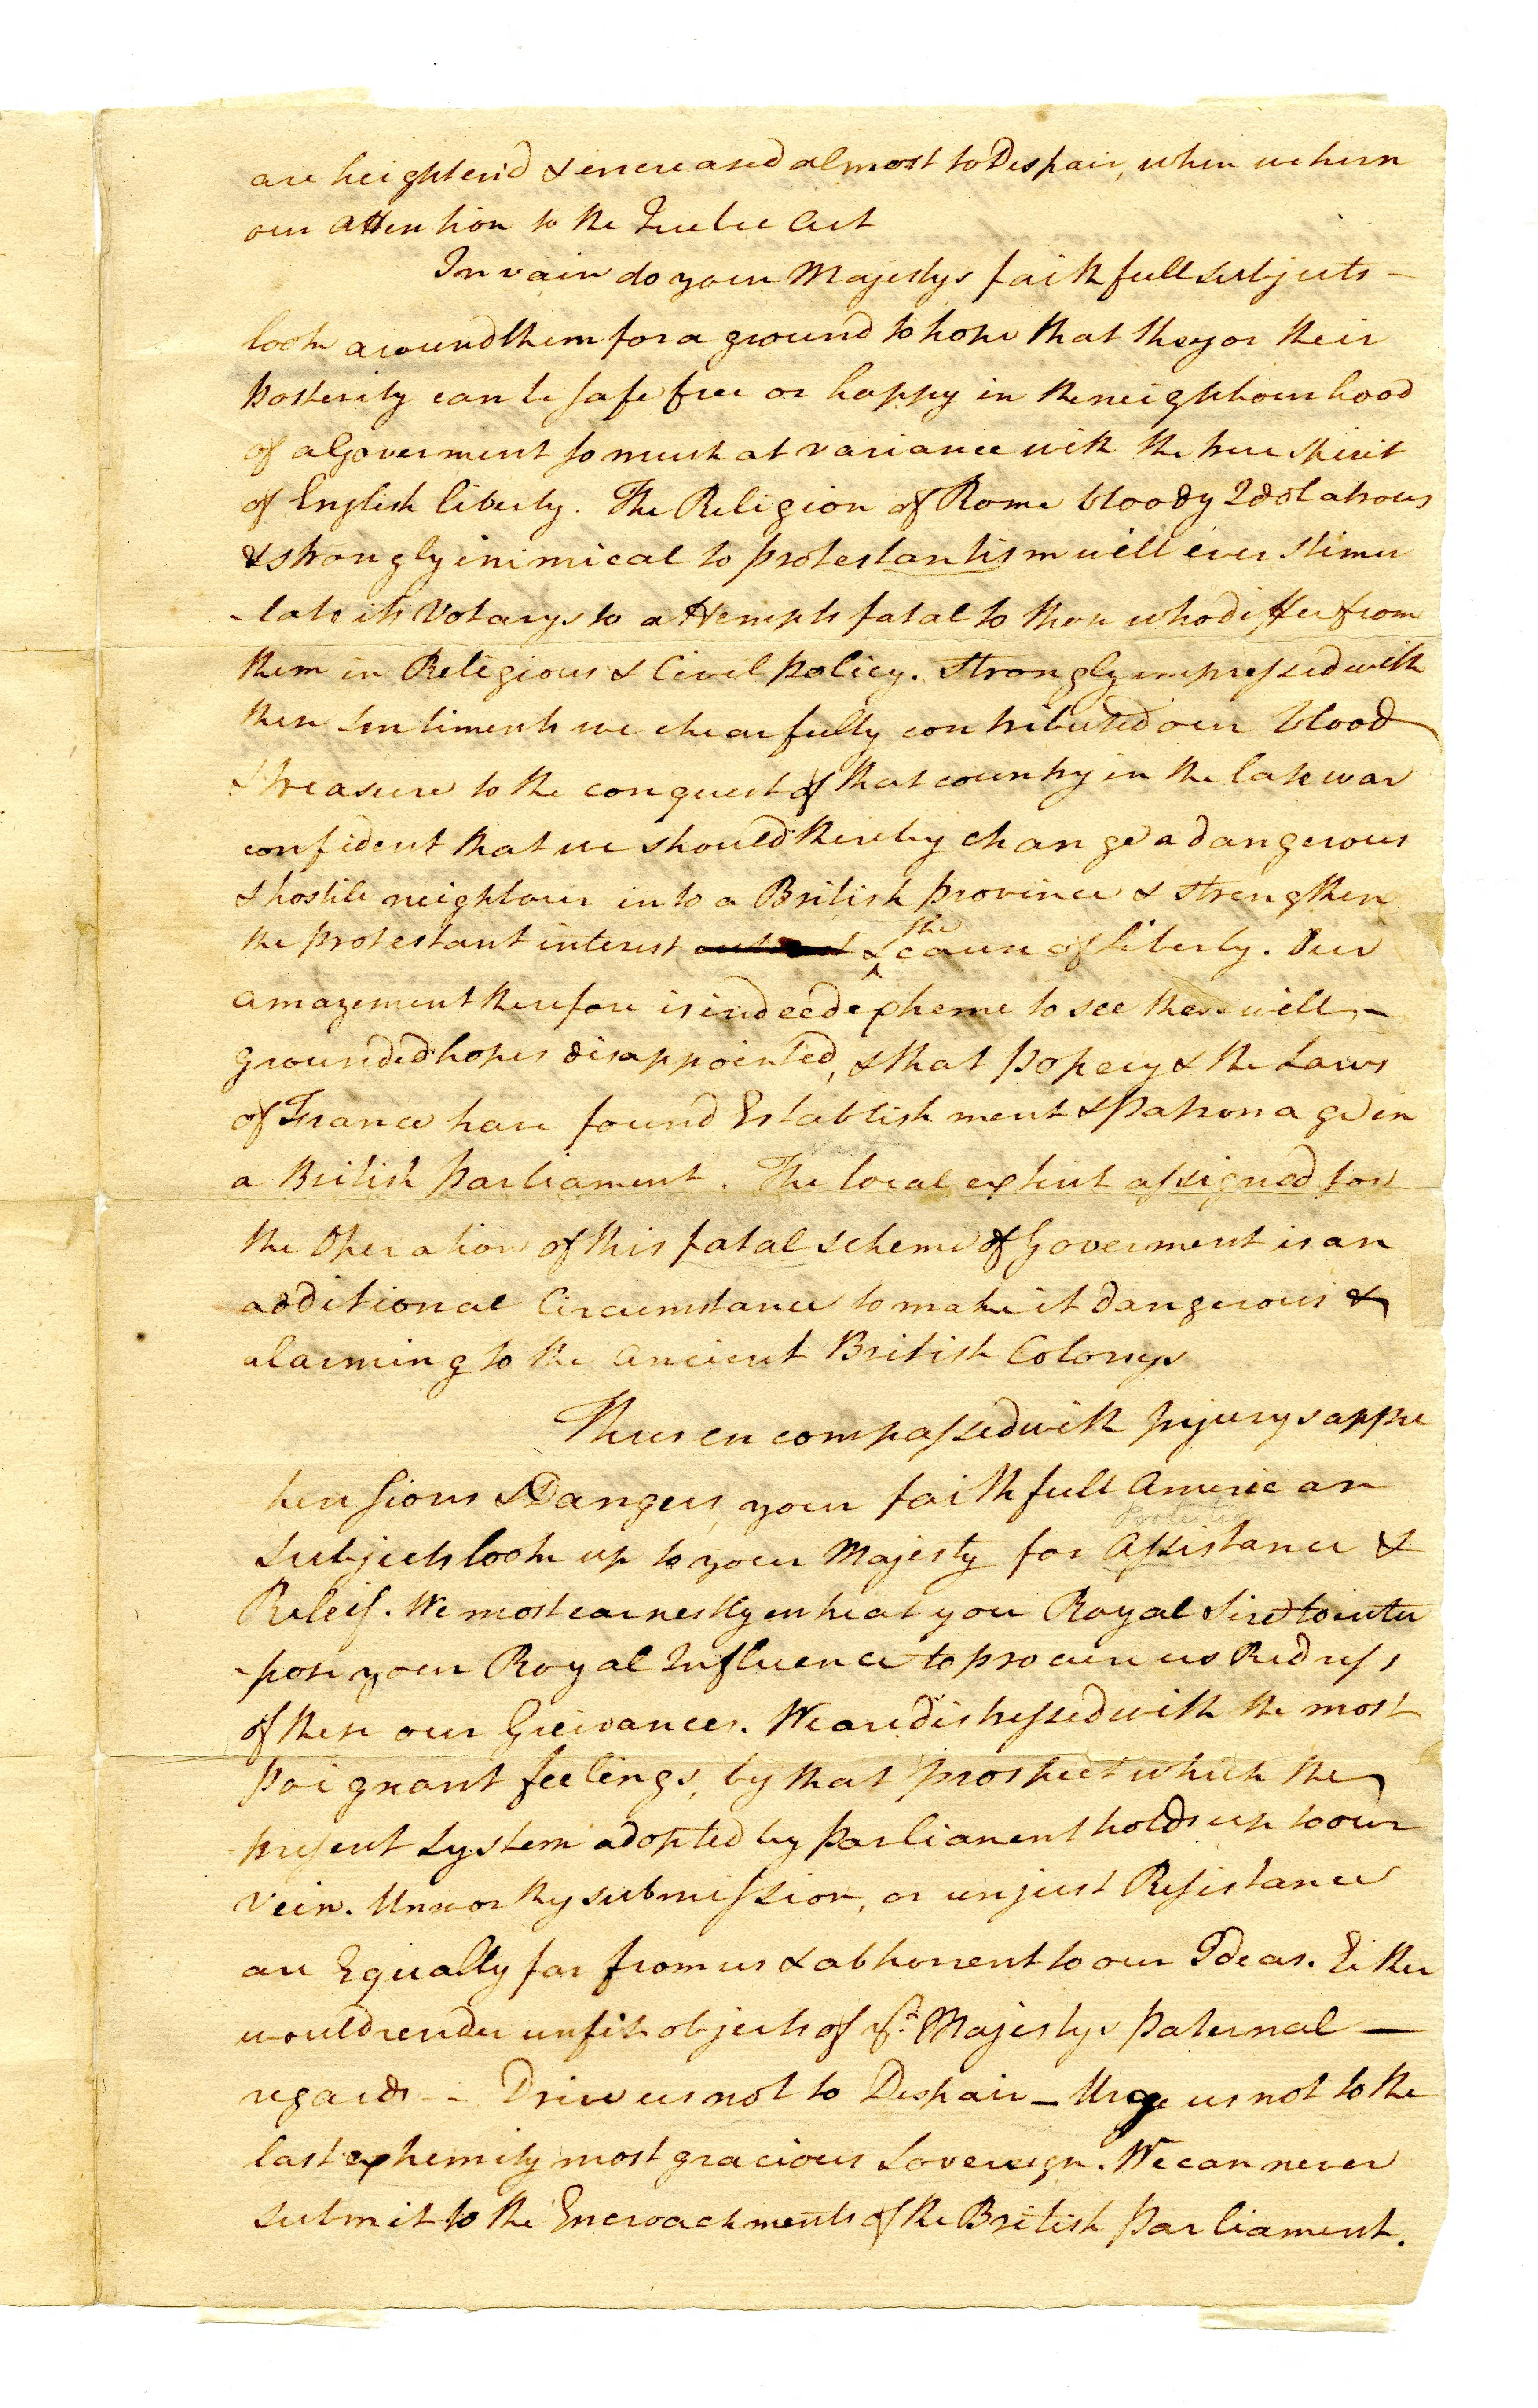are heightened & increased almost to Despair, when we turn
our attention to the Twelve Act
In vain do your Majestys faithful subjects-
look around them for a ground to hope that they or their
posterity can be safe free or happy in the neighbourhood
of aGoverment so much at variance with the [here] spirt
of English liberty. The Religion of Rome bloody Idolatrous
& strongly inimical to protestantism will ever stimu
-late its Votarys to attempts fatal to those who differ from
them in Religious & Civil policy. Strongly impressed with
these Sentiments we chearfully contributed our blood
& treasure to the conquest of that country in the late war
confident that we should thereby change a dangerous
& hostile neighbour into a British province & strengthen
the protestant interest & ^the cause of Liberty. Our
amazement therefore is indeed extreme to see these well,-
grounded hopes disappointed, & that popery & the Laws
of France have found Establishment & patronage in
a British parliament. The local extent assigned for
the Operation of this fatal scheme of Goverment is an
additional circumstance to make it dangerous &
alarming to the Ancient British Colonys
These encompassed with Injurys appre
hensions Dangers your faithfull American
subjects look up to your Majesty for Assistance &
Releif. We most earnestly entreat you Royal Sire to inter
-pon your Royal Influence to procure us Redress
of these our Greivances. We are distressed with the most
poignant feelings, by that prospect which the
present system adopted by parlianent holds up to our
vein. Unworthy submission, or unjust Resistances
are Equally far from us & abhorrent to our Ideas. Either
wouldrender unfit objects of y^r. Majestys paternal-
regard-- Drive not to Despair- Urge us not to the
last extremity most gracious Sovereign. We can never
submit to the Encroachments of the British Parliament.